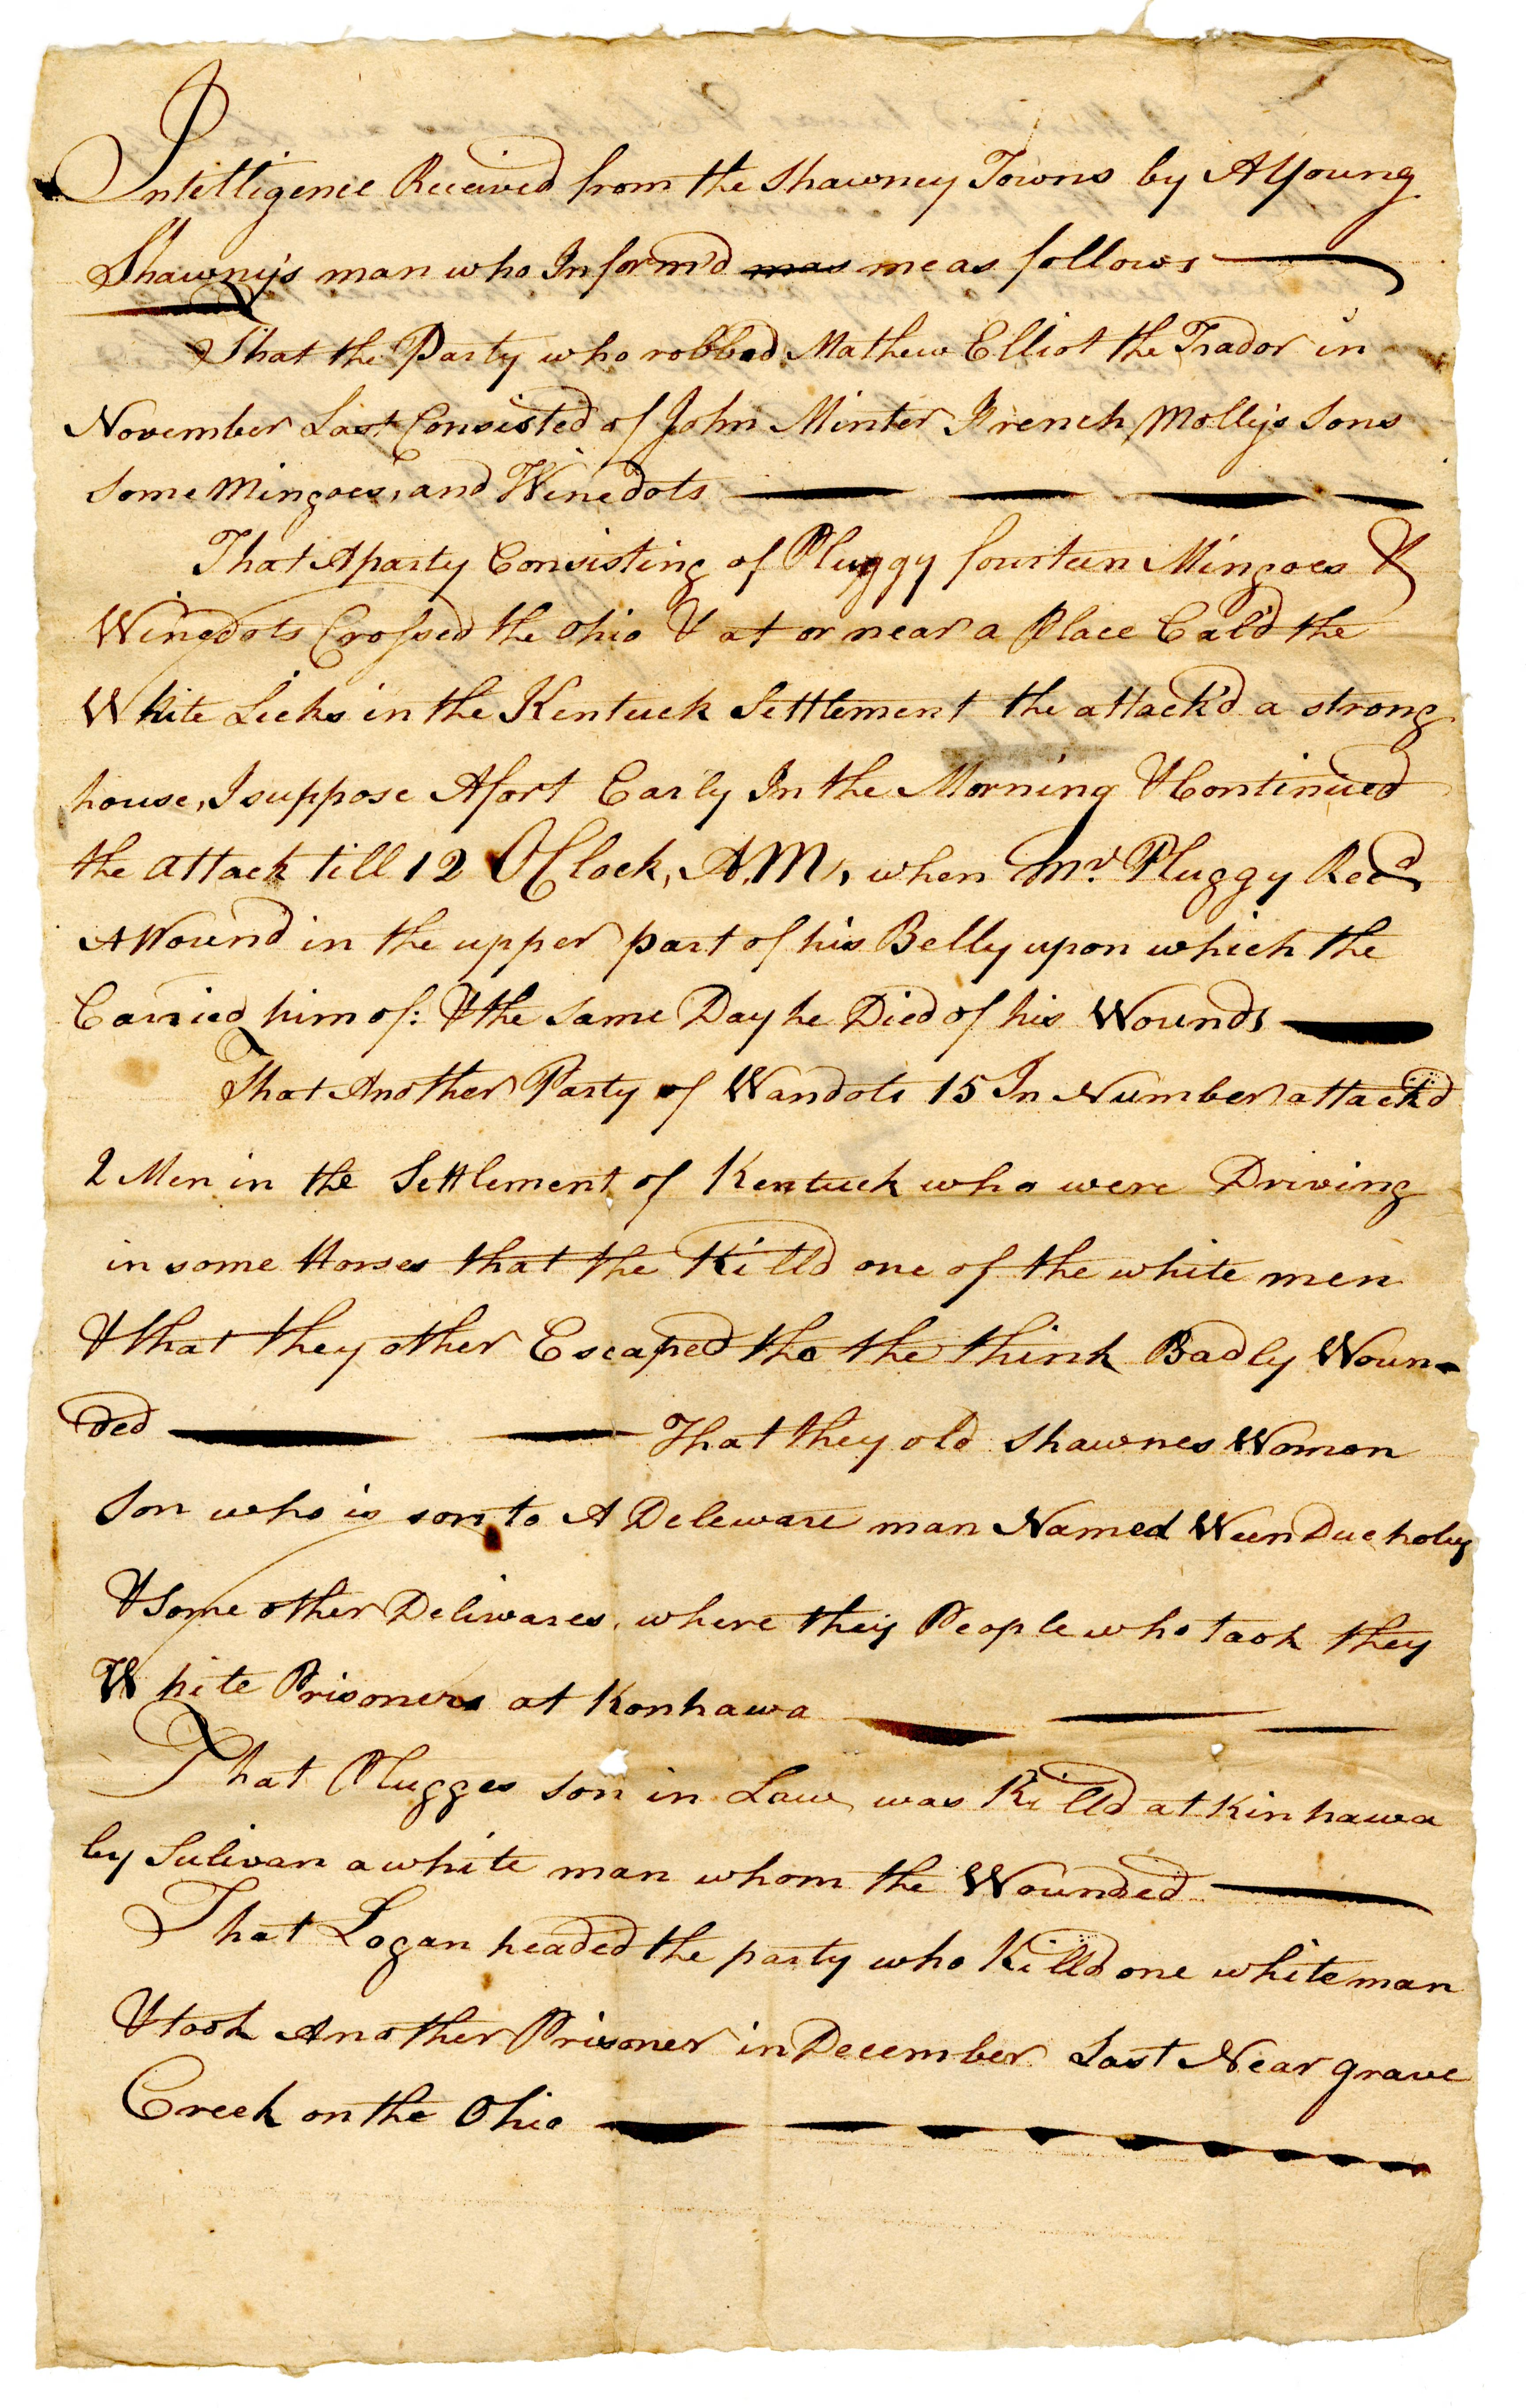Intilligence Received from the Shawney Towns by A young
Shawny's man who Inform'd [___] me as follows-
That the Party who robbed Mathew Elliot the Trador in
November Last Consisted of John Monter French Molly's Sons
some Mingoes, and Winedots-
That A party Consisting of Pluggy fourteen Mingoes &
Winedots Crossed the Ohio & at or near a Place Cal'd the
White Licks in the Kentuck Settlement the attack'd a strong
house, I suppose A fort Early In the Morning & Continued
the attack till 12 OClock, A.M, when M^r. Pluggy Rec^d
A Wound in the upper part of his Belly upon which the
Carried him of: & the same Day he Died of his Wounds-
That Another Party of Wandots 15 In Number attack'd
2 Men in the Settlement of Kentuck who were Driving
in some Horses that the Killd one of the white men
& that they other Escaped tho the think Badly Woun-
ded-
That they old Shawnes Woman
Son who is son to A Deleware man Named Ween Ducholy
& some other Delewares, where they People who took they
White Prisoners at Kanhawa
That Plugges son in Law was kill'd at Kinhawa
by Sulivan a white man whom the Wounded-
That Logan headed the party who Kill'd one whiteman
& took Another Prisoner in December Last Near grave
Creek on the Ohio-